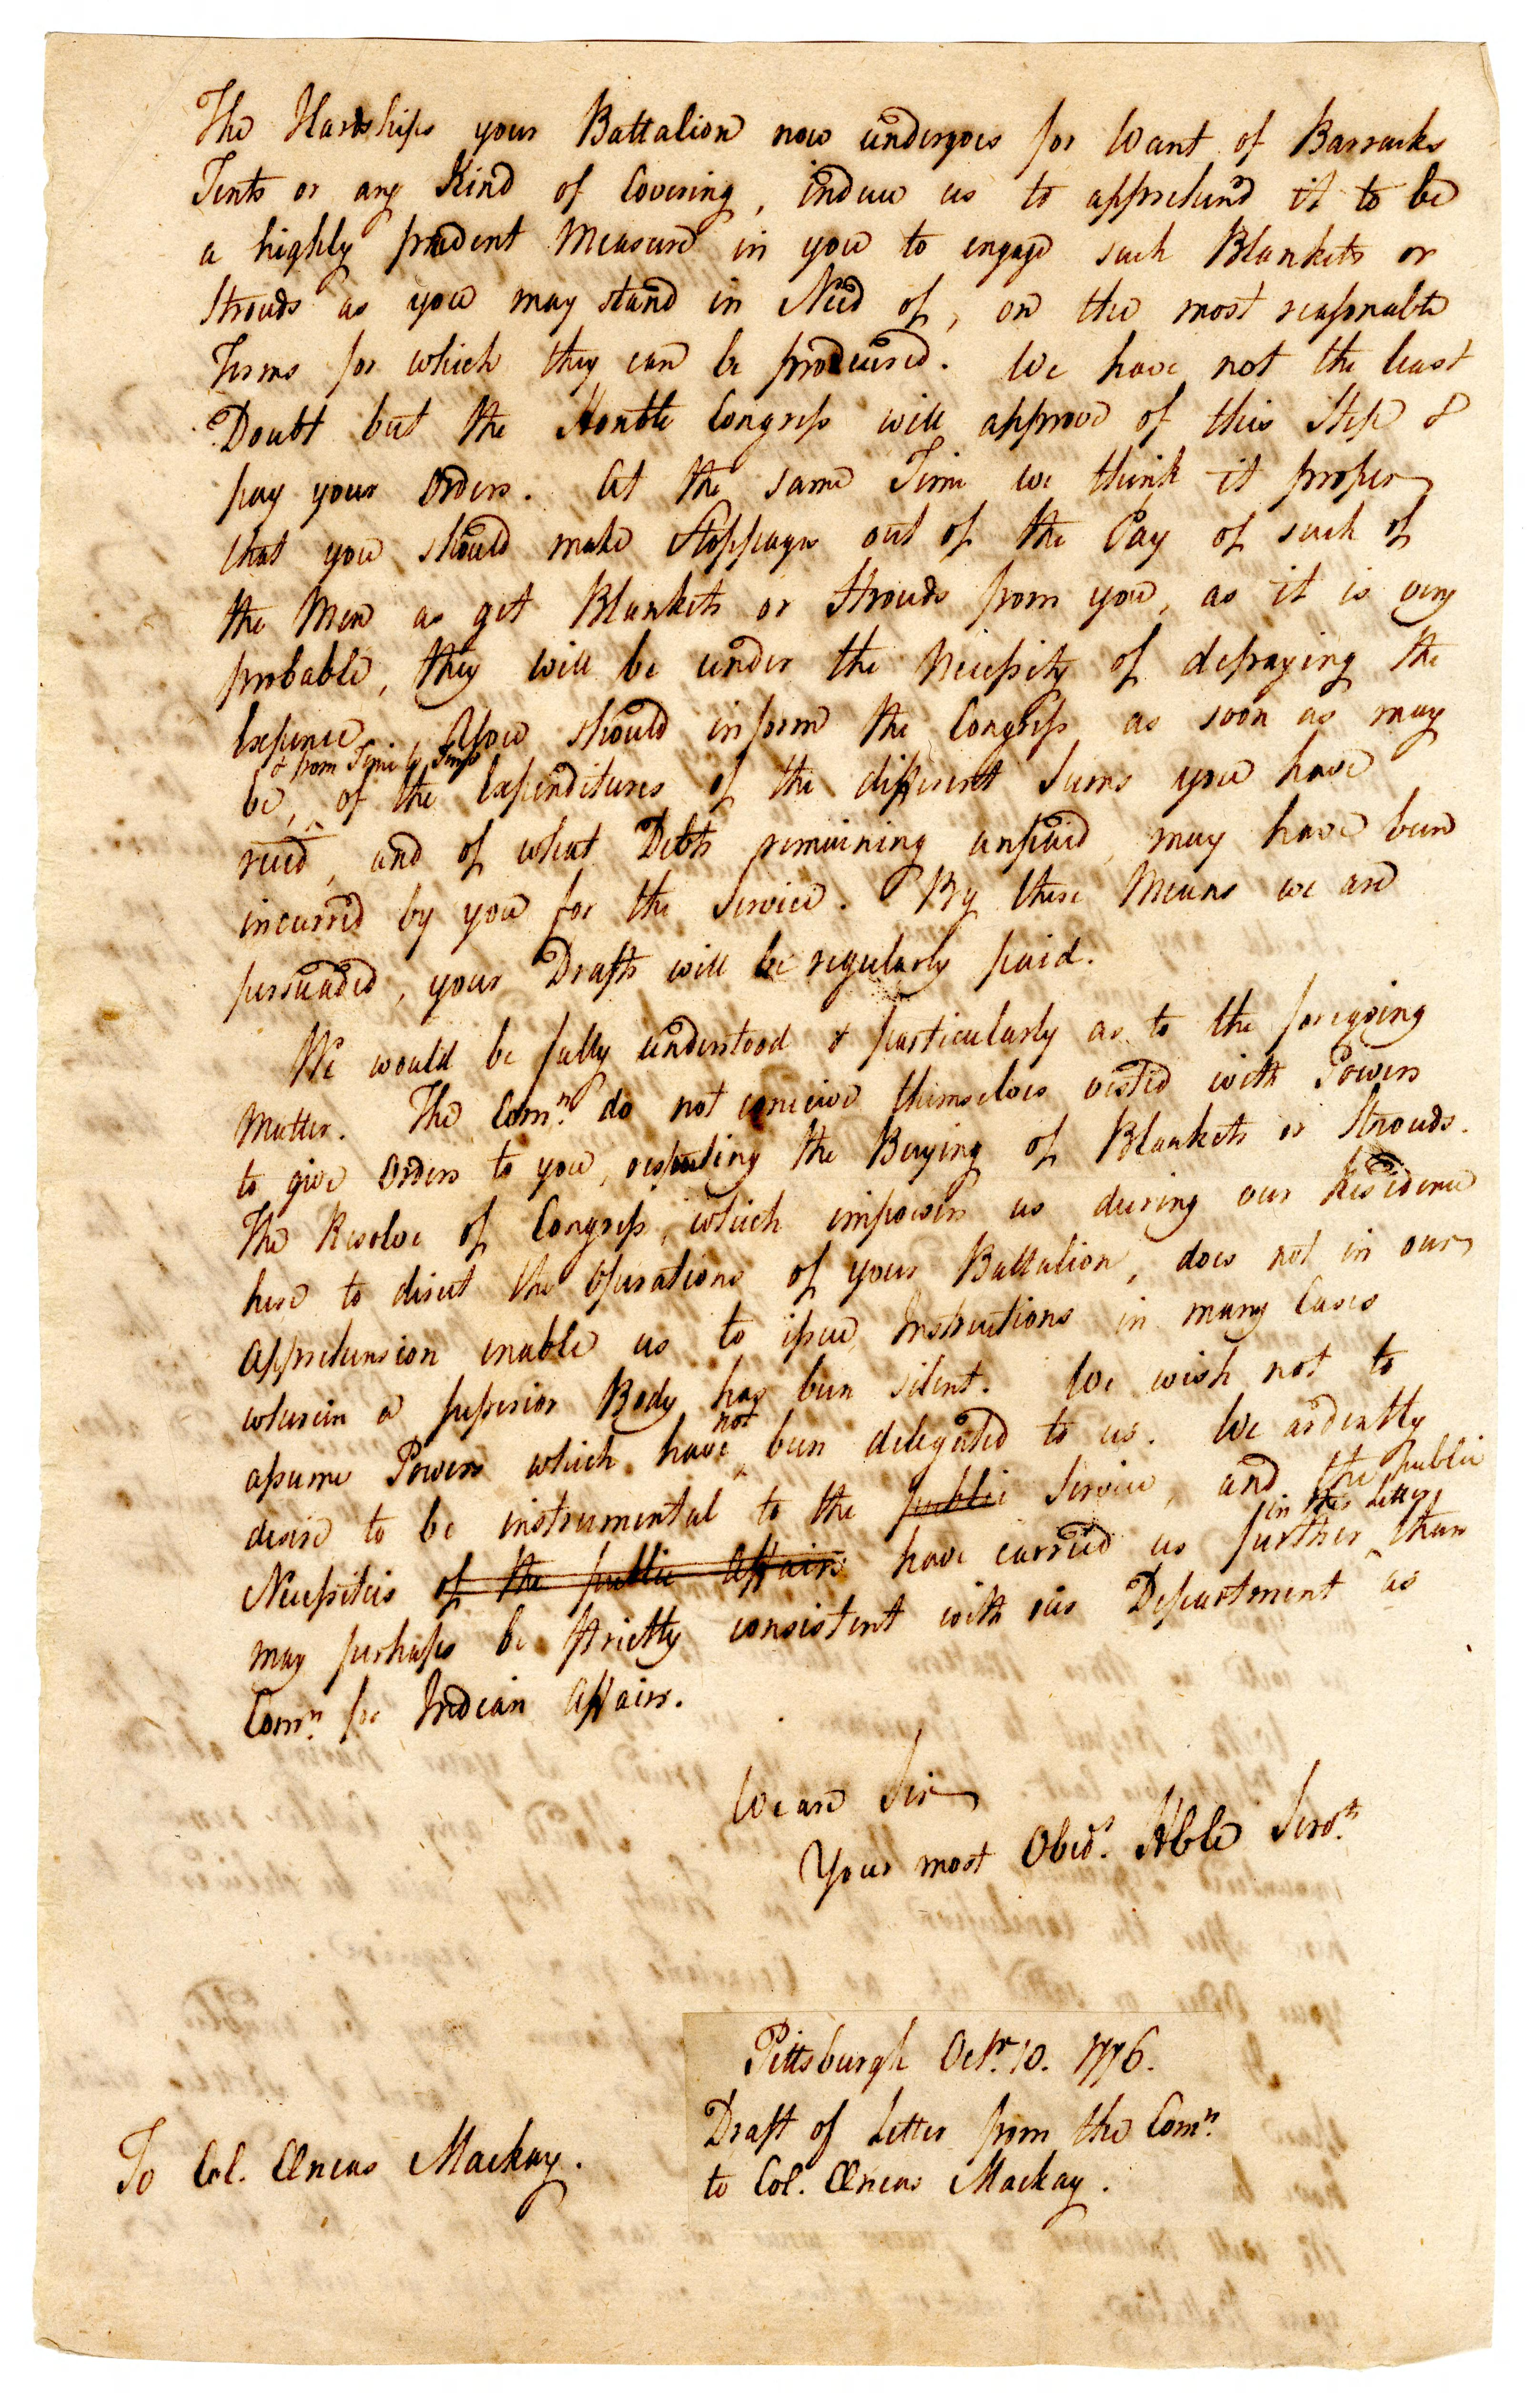The Hardships your Battalion now undergoes for Want of Barracks
Tents or any Kind of Covering, induce us to apprehend it to be
a highly prudent Measure in you to engage such Blankets or
Strouds as you may stand in Need of, on the most reasonable
Terms for which they can be produced. We have not the least
Doubt but the Honble Congress will approve of this Step &
pay your Orders. At the same Time we think it proper
that you should make Stoppage out of the Pay of such to
the Men as get Blankets or Strouds from you, as it is very
probable, they will be under the Necessity of repaying the
Expence. You should inform the Congress as soon as may
& from Time to Time
be ^ of the Expenditures of the different Sums you have
rued, and of what Debts remaining unpaid may have been
incurred by you for the Service. By these Means we are
persuaded your Drafts will be regularly paid.
We would be fully understood & particularly as to the foregoing
Matter. The Com^n. do not conceive themselves vested with Powers
to give Orders to you restarting the Buying of Blankets or Strouds.
The Resolve of Congress which impowers us during our Residence
here to direct the Operations of your Battalion, does not in our
Apprehension enable us to issue Instructions in many Cases
wherein a superior Body has been silent. We wish not to
not
assume Powers which have ^ been delegated to us. We ardently
desire to be instrumental to the public Service, and the public
in this Letter
Necessities of the public Affairs have carried us further ^ than
may perhaps be strictly consistent with our Department as
Com^r. for Indian Affairs.
We are Sir
Your most Obed^t. Hble Serv^t.
To Col. Aeneas Mackay.
Pittsburgh Oct^r. 10. 1776.
Draft of Letter from the Com^n.
to Col. Aeneas Mackay.